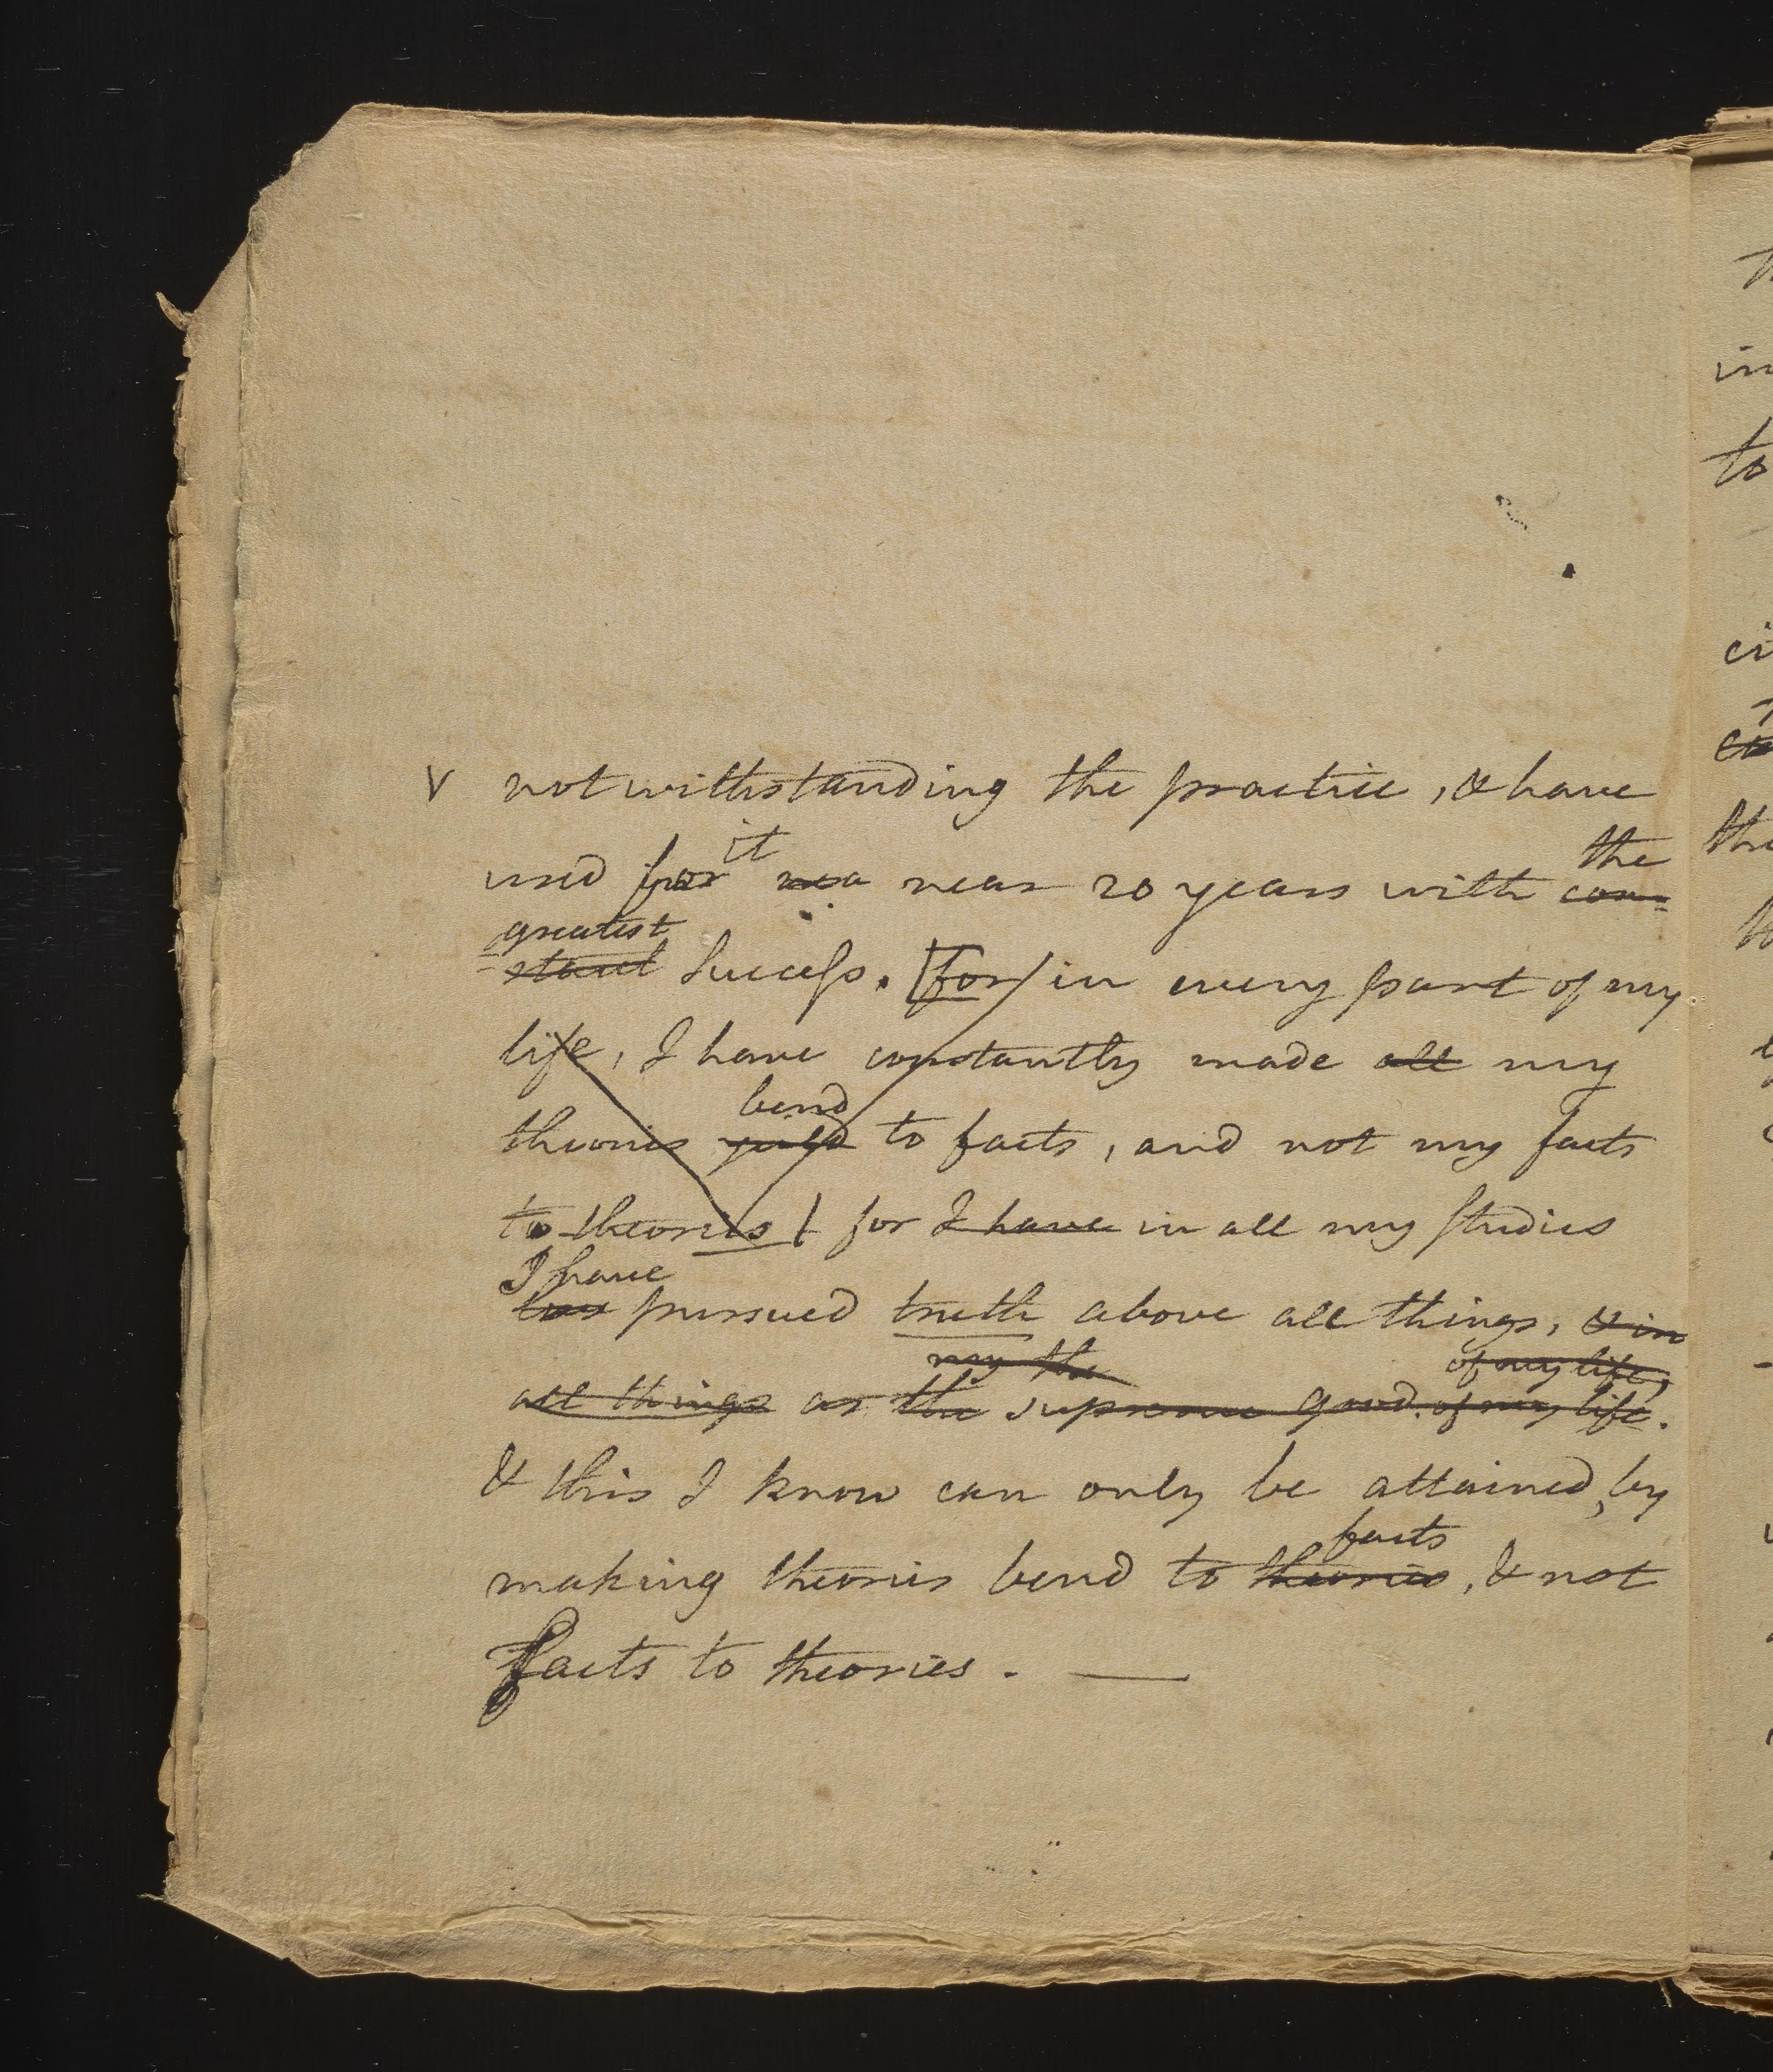notwithstanding the practice, & have
and [for] it [nea] near 20 years with [con]
the
greatest
[stant] success. (For in every part of my
life, I have constantly made [all] my
bend
theories [yield] to facts, and not my facts
to theories.) For [I have] in all my studies
I have
[___] pursued truth above all things, [& in]
[all things] as [the supreme good of my life]
& this I know can only be attained, by
facts
making theories bend to [theories], & not
facts to theories.